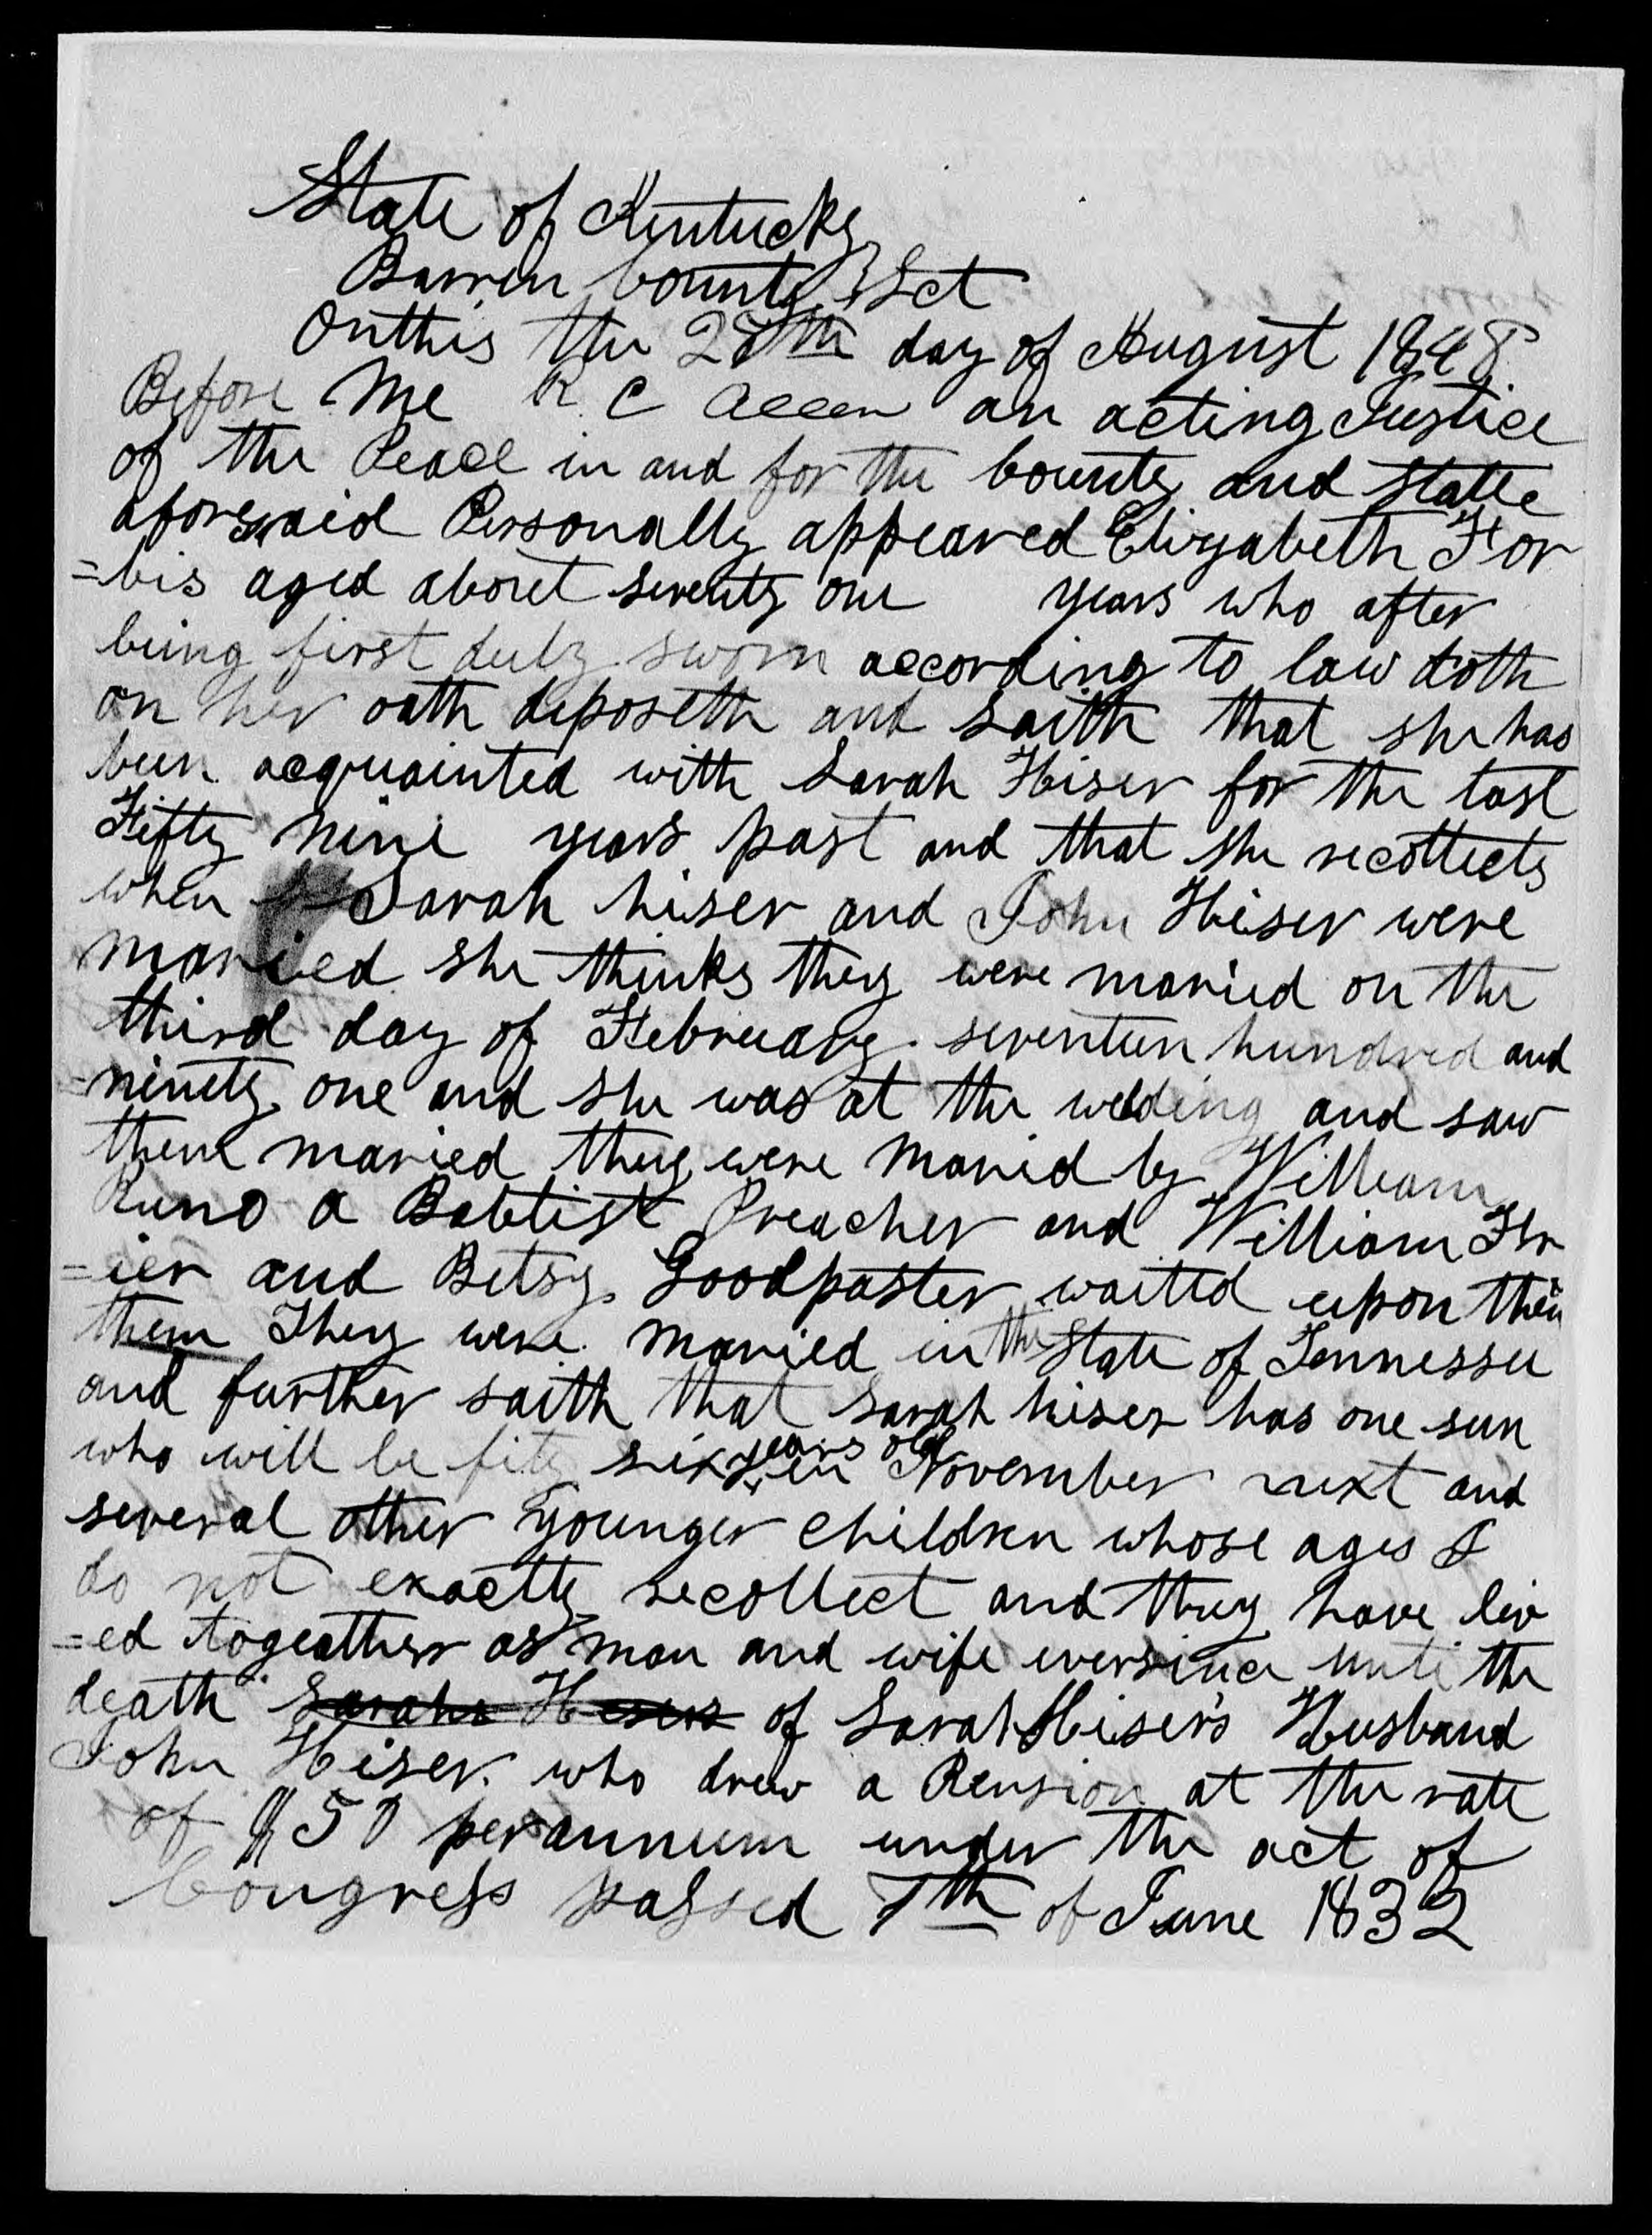State of Kentucky
Barron County [illegible]
On this the 20th day of August 1848.  Before me R C Allen an acting Justice of the Peace in and for the County and State aforesaid Personally appeared Elizabeth Forbis aged about Seventy one years who after being first duly sworn according to law doth on her oath [illegible] and saith that she has been acquainted with Sarah Hiser for the last Fifty nine years past and that she recollects when Sarah Hiser and John Hiser were married.  She thinks they were married on the third day of February seventeen hundred and ninety one and she was at the weding[sic] and saw them married they were married by William Runo a Baptist Preacher and William Freier and Betsy Goodpaster waited upon them them  They were married in the State of Tennessee and further saith that Sarah Hiser has one sun[sic] who will be fifty six years old in November next and several other younger children whose ages I do not exactly recollect and they have lived together as man and wife [illegible] until death {strikethrough words Sarah Hiser} of Sarah Hiser husband John Hiser, who drew a pension at the rate of $50 per annum under the act of Congress passed 7th of June 1832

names: R C Allen, John Hiser, Sarah Heiser, Elizabeth Forbis, Sarah Hiser, William Runo, John Hiser, William Frier, Sarah Hiser, Sarah Hiser, Betsy Goodpaster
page: 31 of 58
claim: widow's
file: W. 8932, John Hiser, Penn.